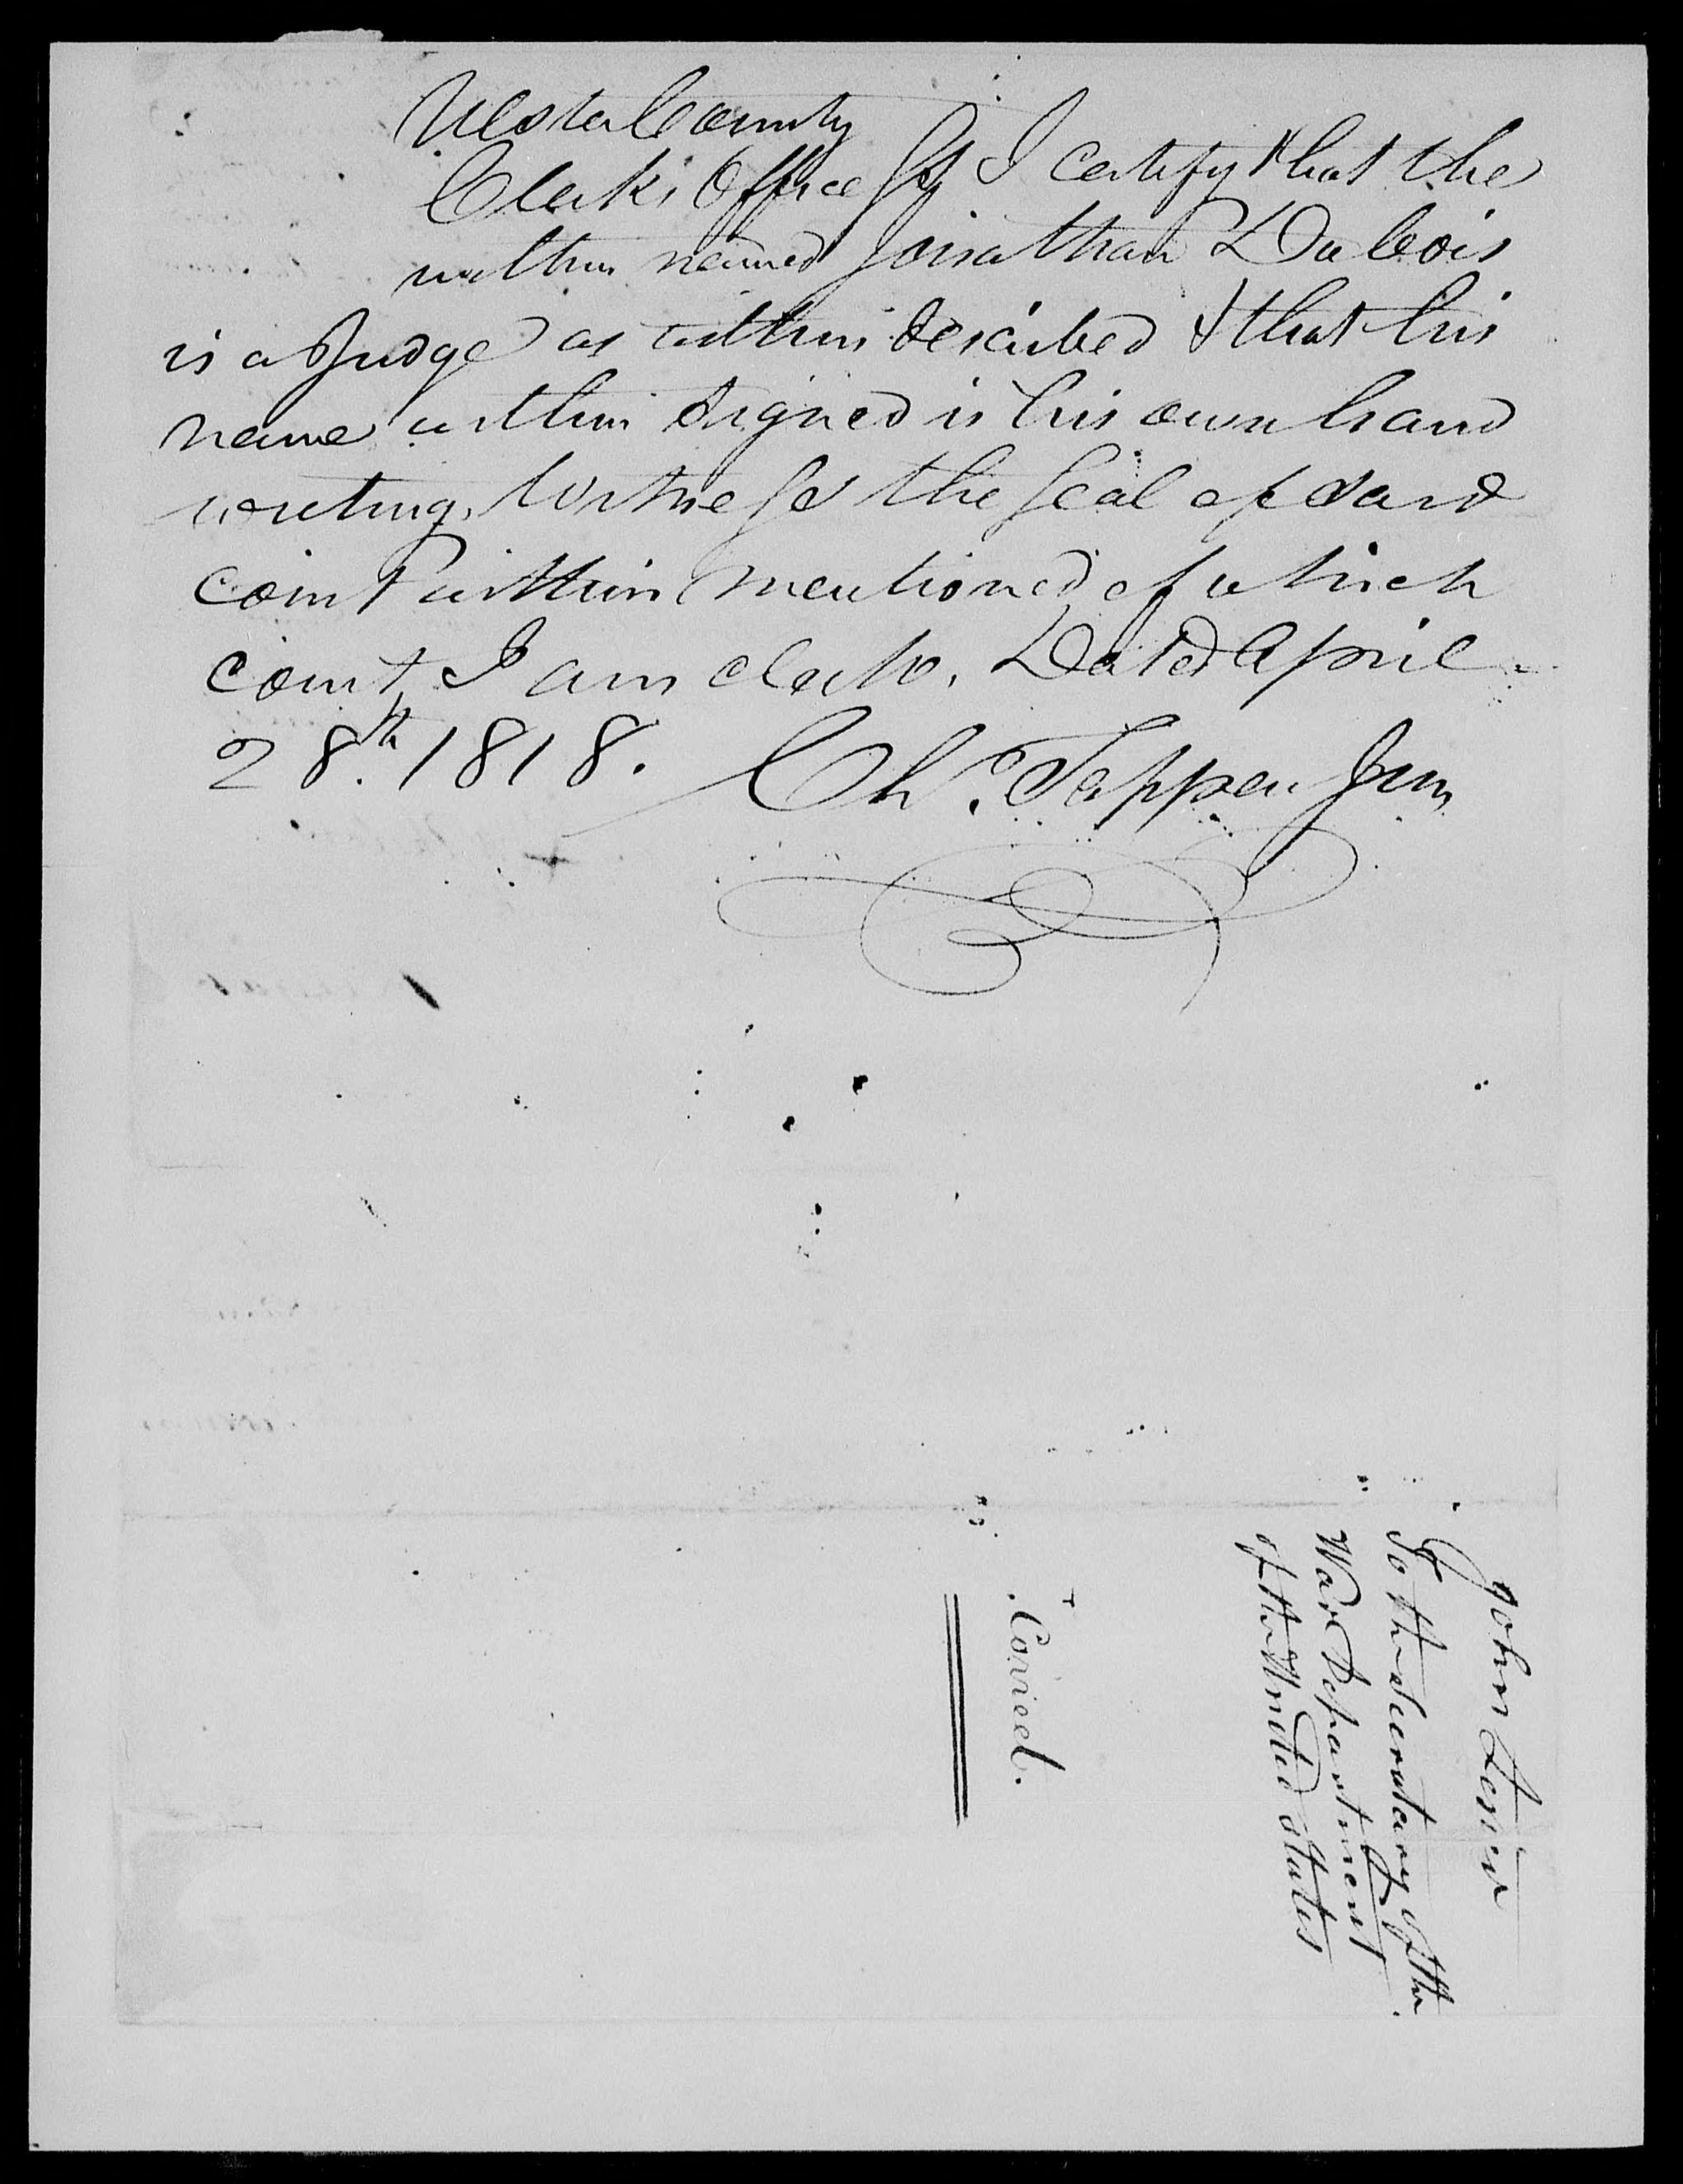Ulster County 
Clerks Office ss

I certify that the within named Jonathan Dubois is a Judge as within described & that his name within signed in his own hand writing, witness  the Seal [illegible] within mentioned of which county I am clerk, Dated April 28th 1818. 
[illegible]

[sideways on document]
John Lester
To the Secretary of the War Department of the United States.

Correct.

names: John Lester; Jonathan Dubois; Chs Tappen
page: 5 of 14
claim: survivor's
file: S. 42844, for John Lester, New York